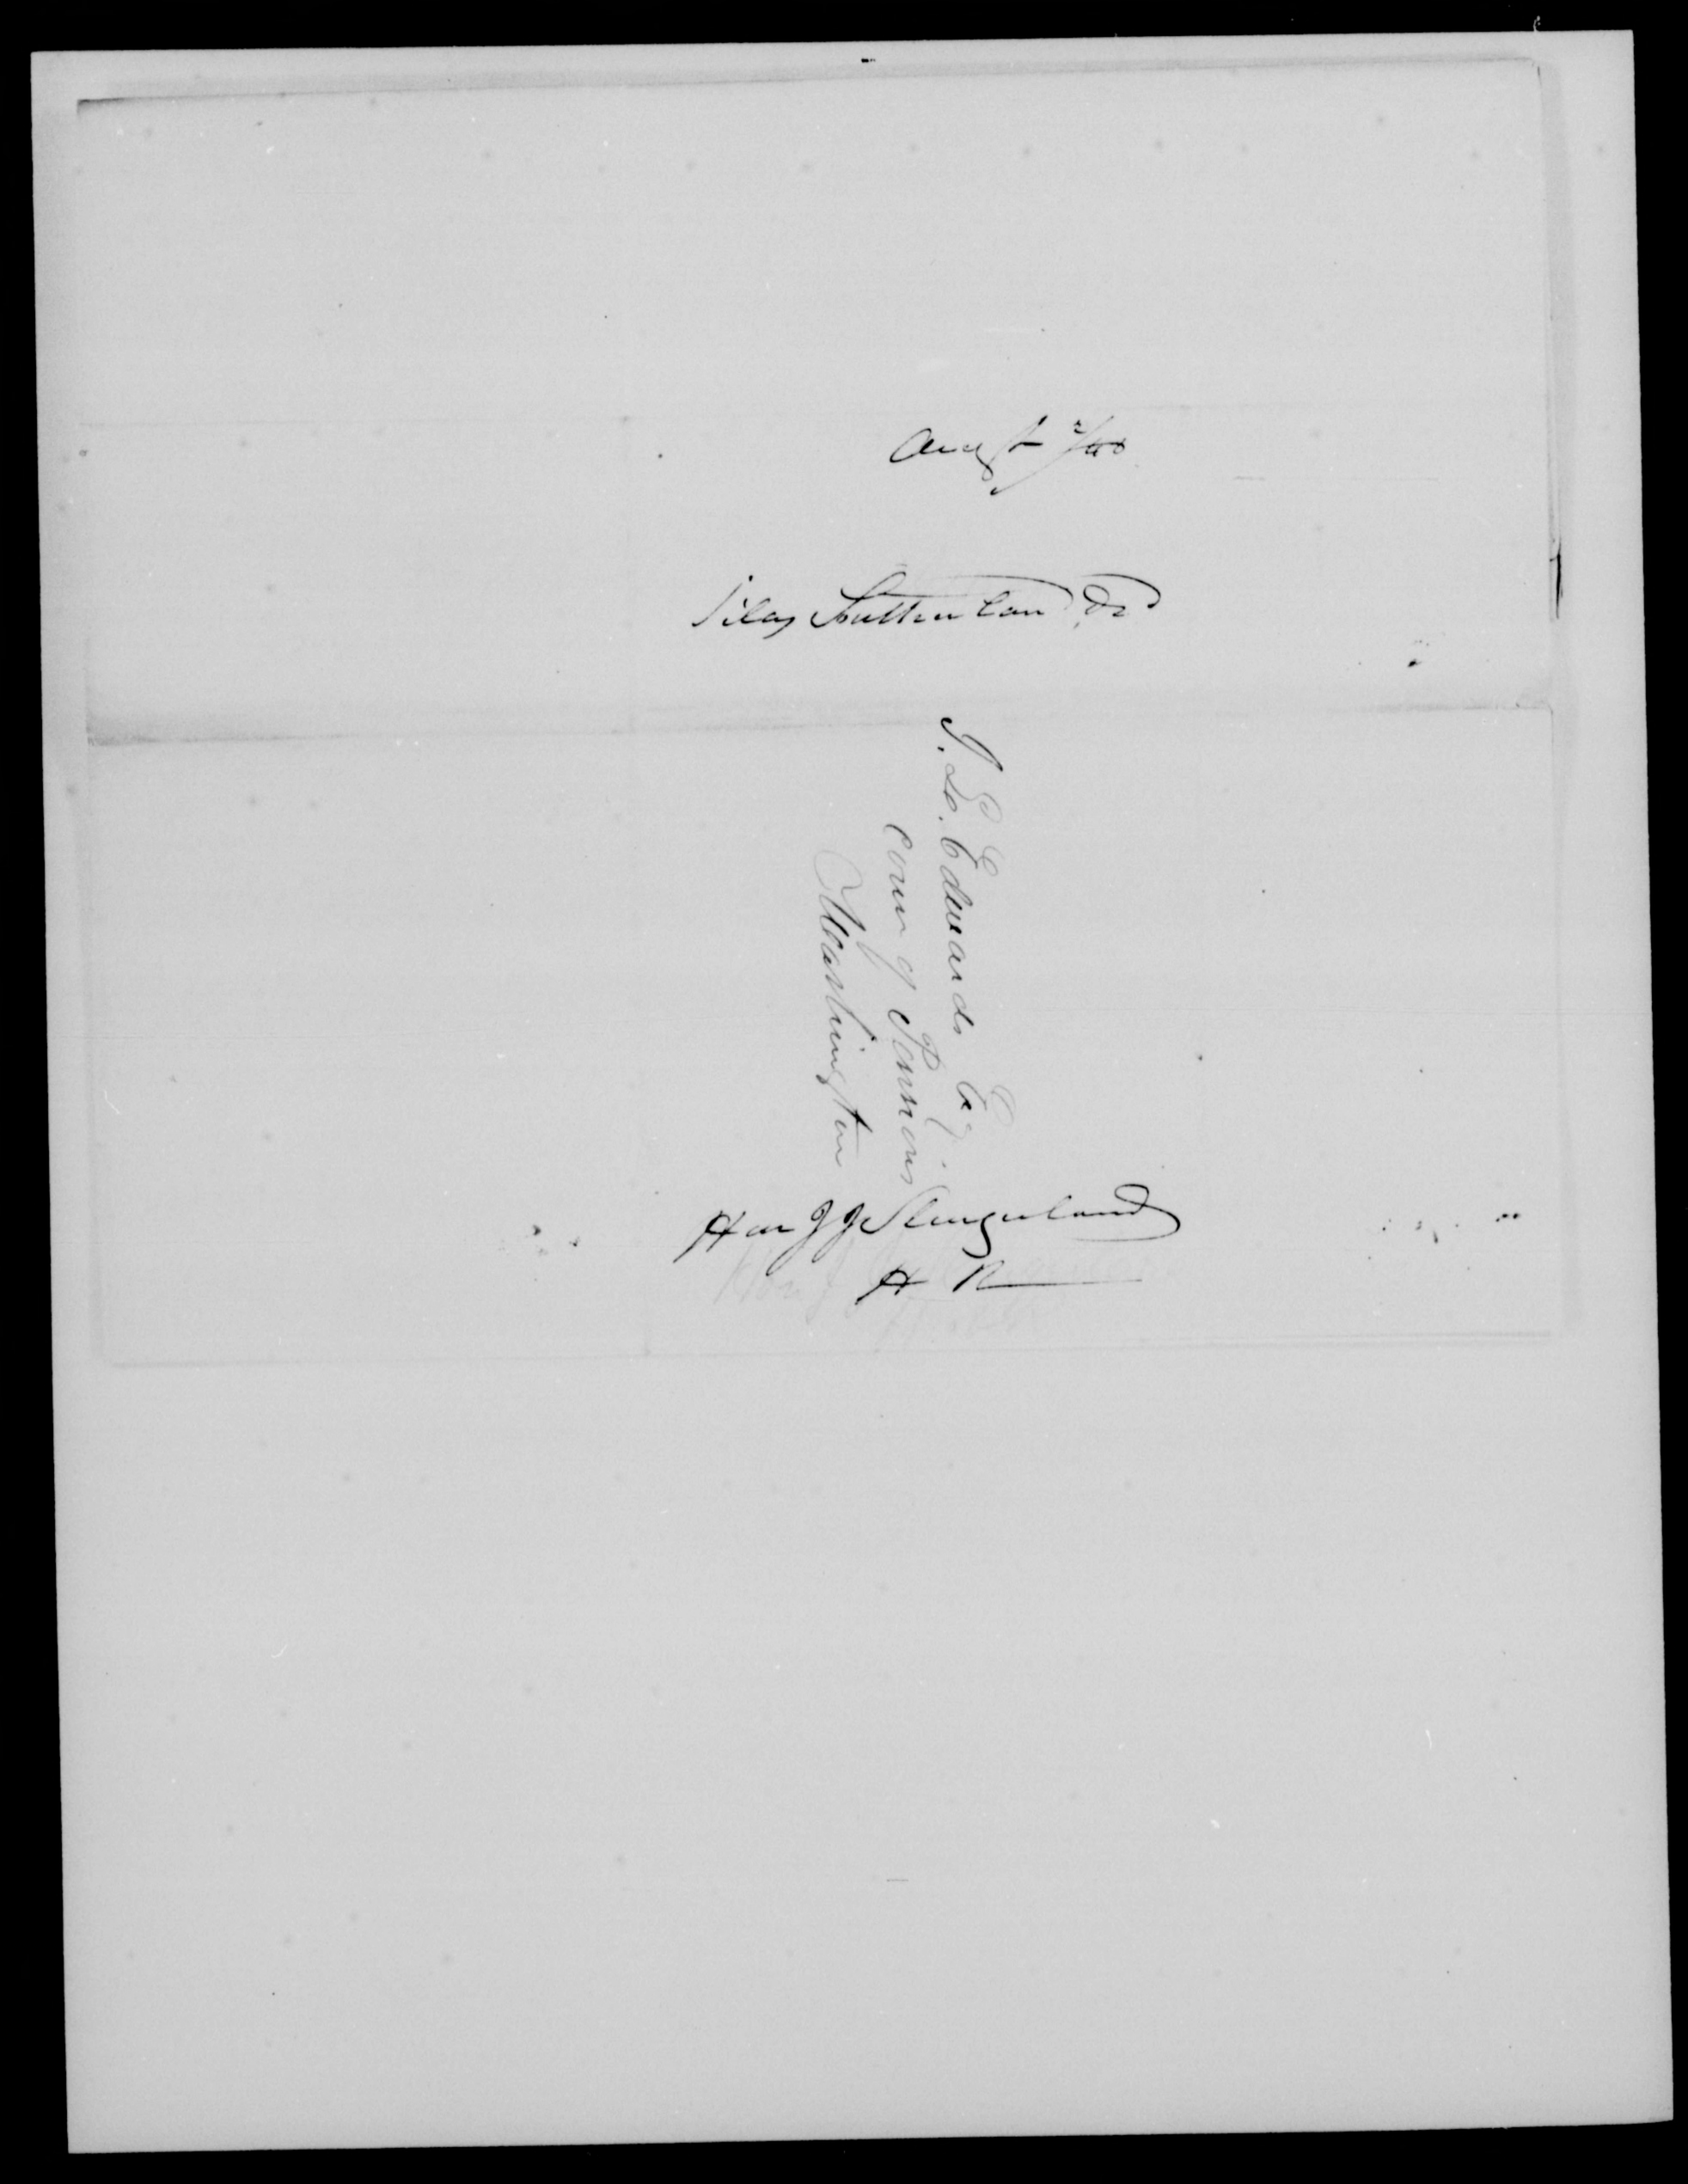Aug 2/48
Silas Southerland [2nd?]

J.L. Edwards Esq
Commr of Pensions
Washington

Hon J J Slingerland
 H R [House of Reps]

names: Silas Southerland; J J Slingerland; J L Edwards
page: 64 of 77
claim: survivor's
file: S. 23003, for Silas Southerland, New York